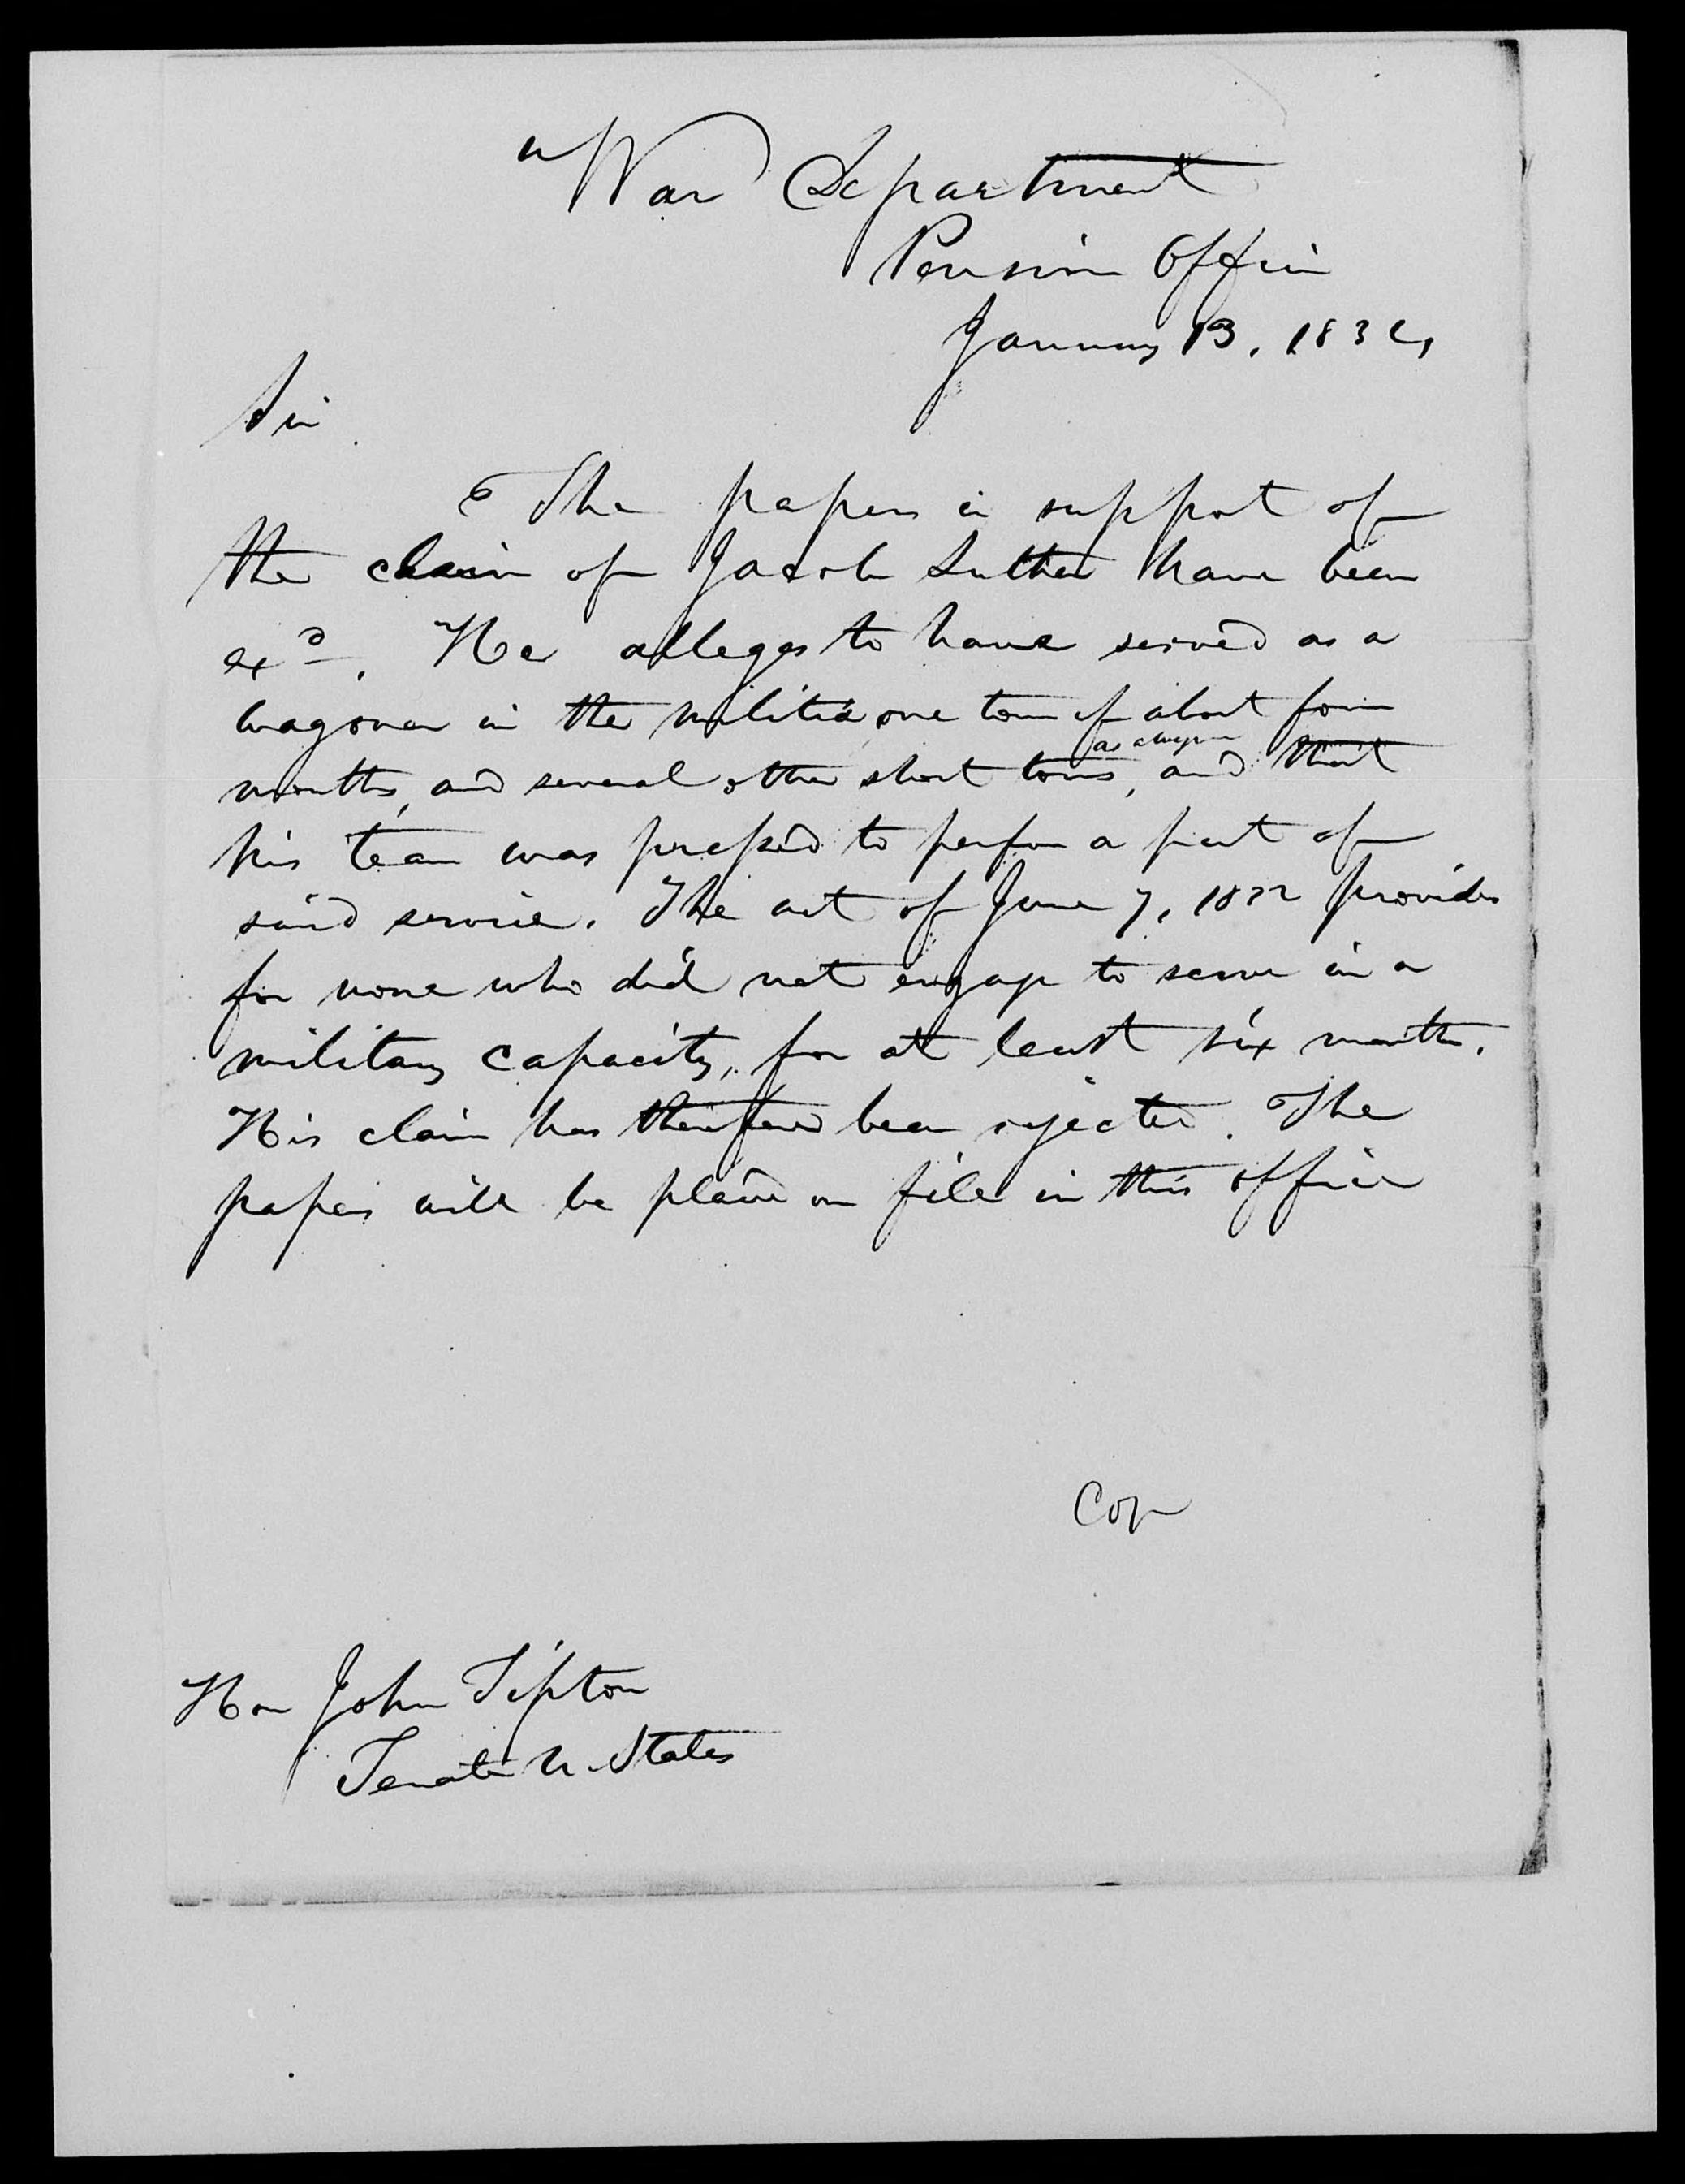War Department
Pension Office
January 13, 1834

Sir

Enclosed the papers in support of the claim of Jacob Luther have been examined. He alleges to have served as a wagoner in the militia one tour of about four months and several others short tours and that his team was pressed to perform a part of said service. The act of June 7, 1832, provides for none who did not engage to serve in a military capacity for at least six months. This claim has therefore been rejected. The papers will be placed on file in this office.

Hon John Tipton
Senate U. States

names: John Tipton; Jacob Luther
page: 23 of 23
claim: rejected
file: R. 6533, for Jacob Luther, Maryland